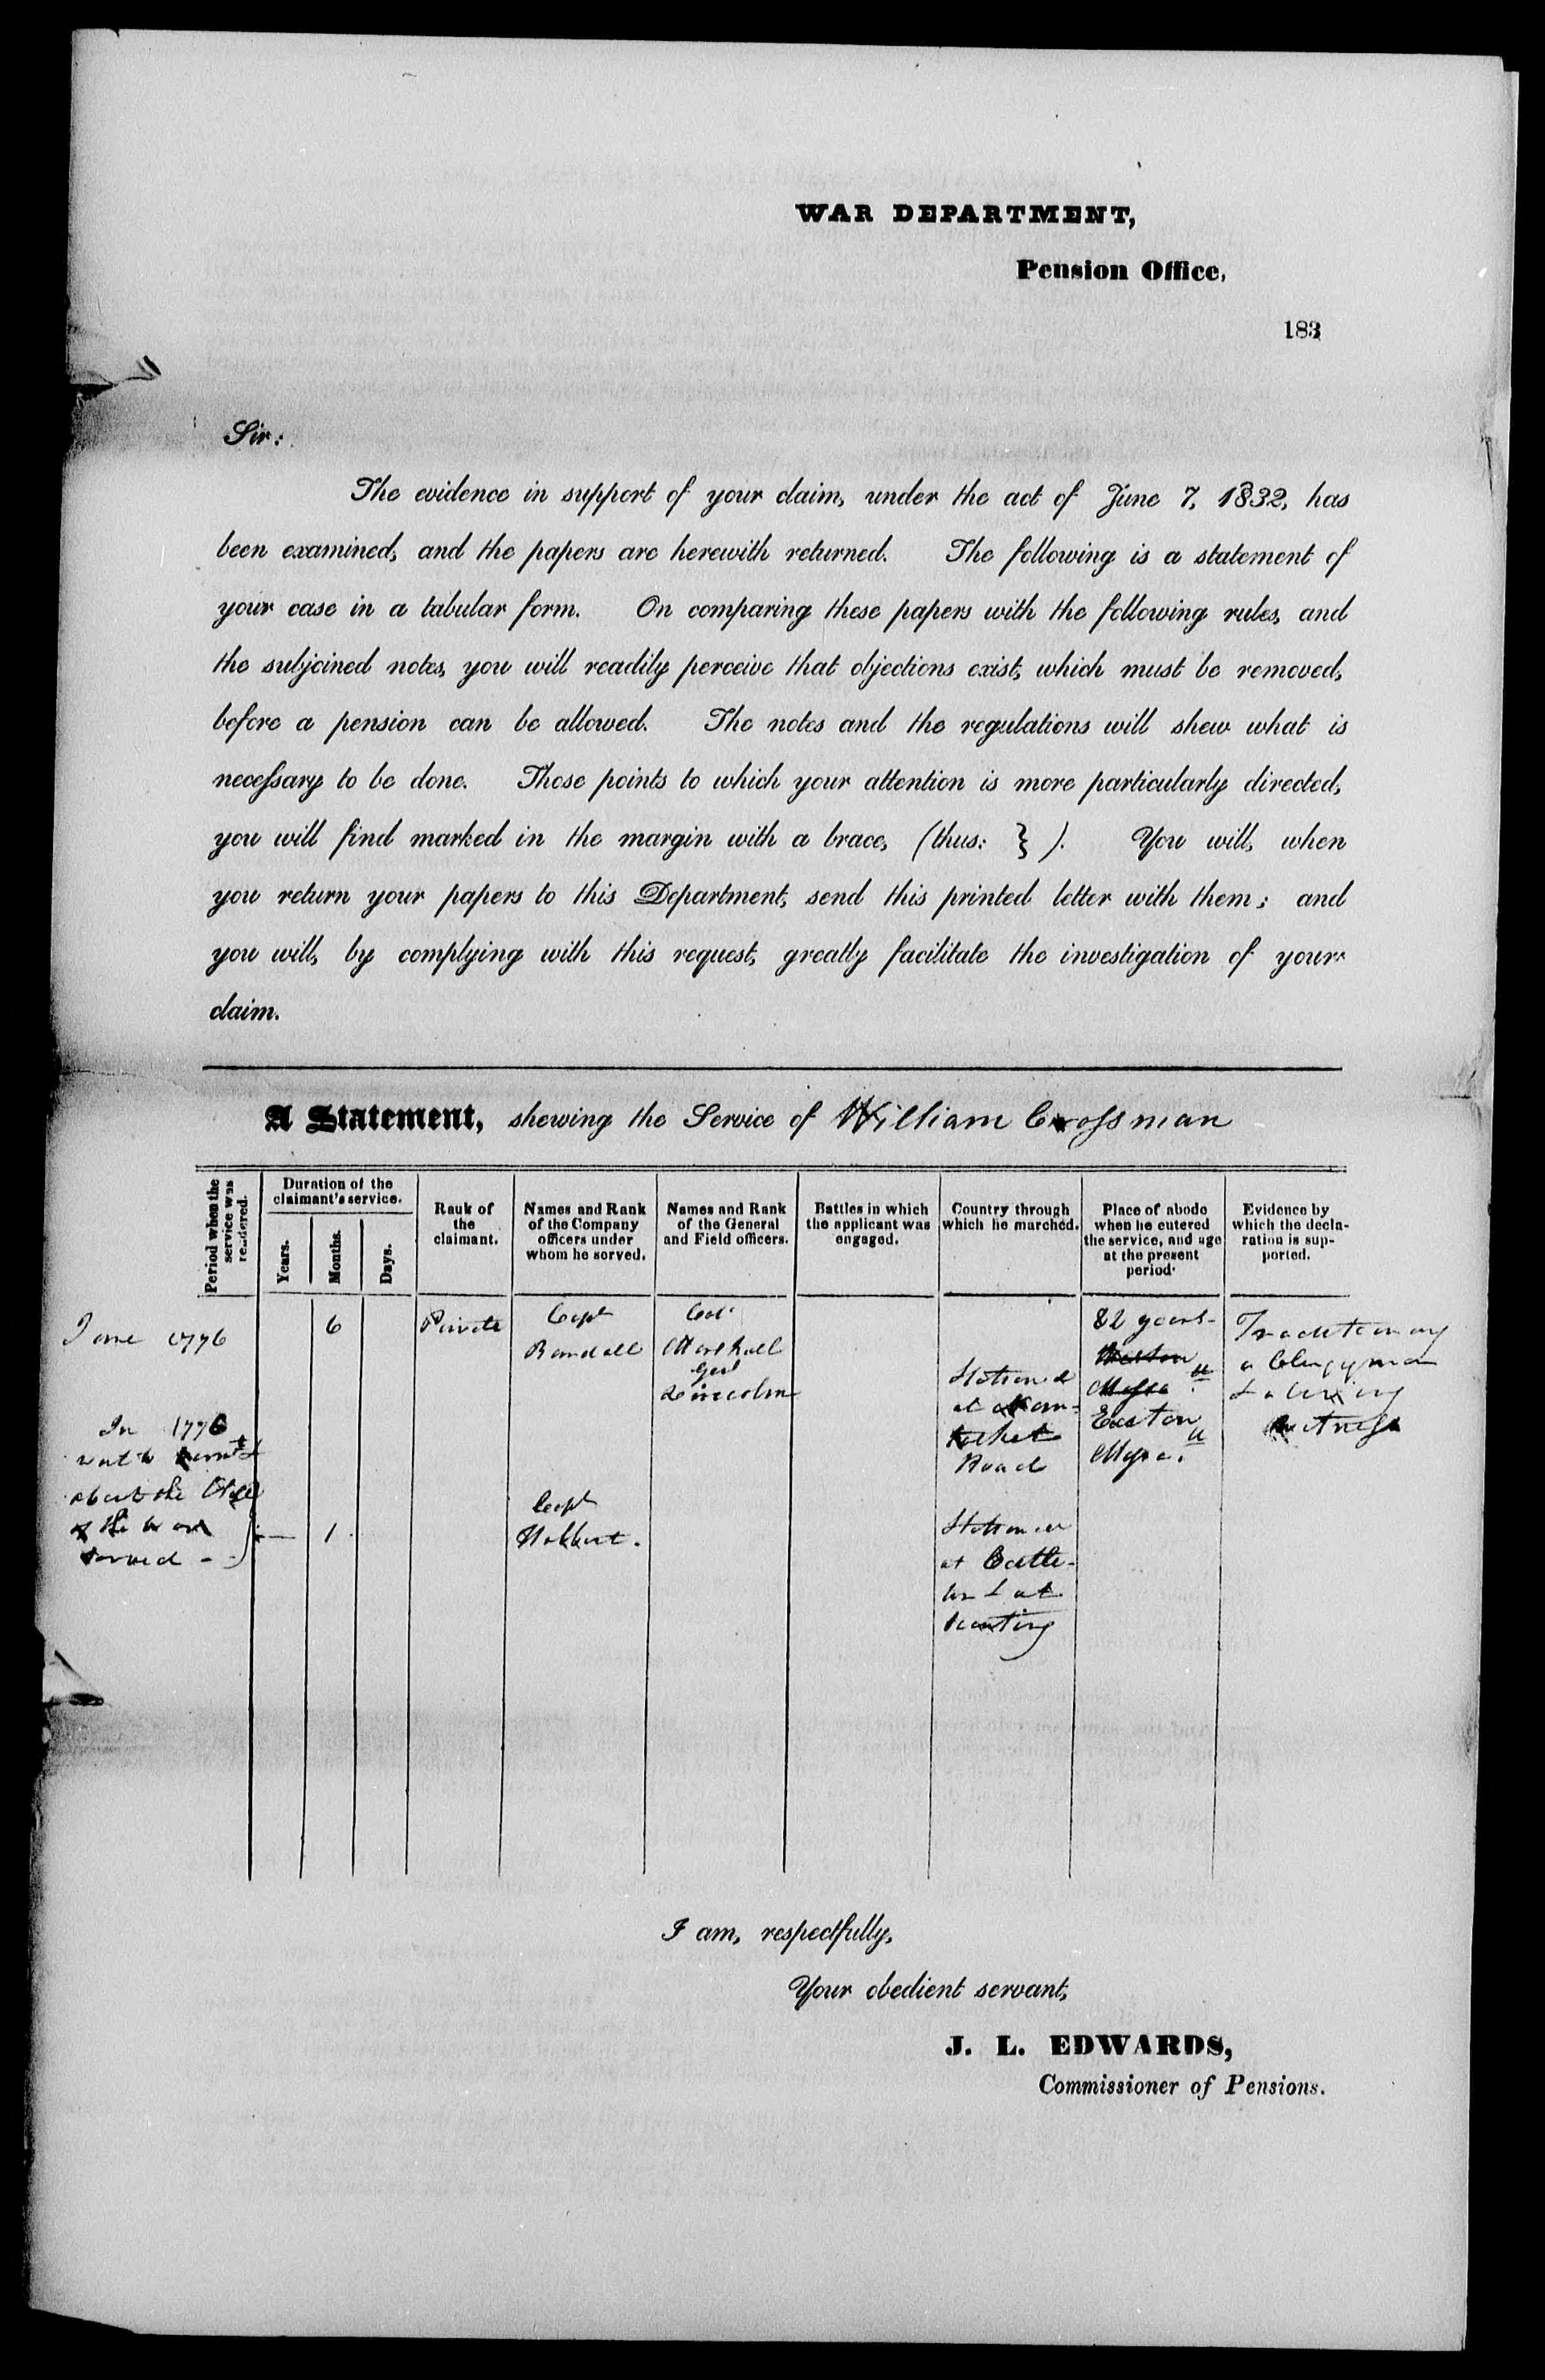WAR DEPARTMENT, Pension Office, 183

Sir:
The evidence in support of your claim, under the act of June 7, 1832, has been examined, and the papers are herewith returned. The following is a statement of your case in a tabular form. On comparing these papers with the following rules, and the subjoined notes, you will readily perceive that objections exist, which must be removed, before a pension can be allowed. The notes and the regulations will show what is necessary to be done.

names: Randall, Reincolm, William Crossman, Marshall, J L Edwards, Habbert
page: 11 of 33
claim: survivor's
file: S. 12632, William Crossman, Mass. Vt.